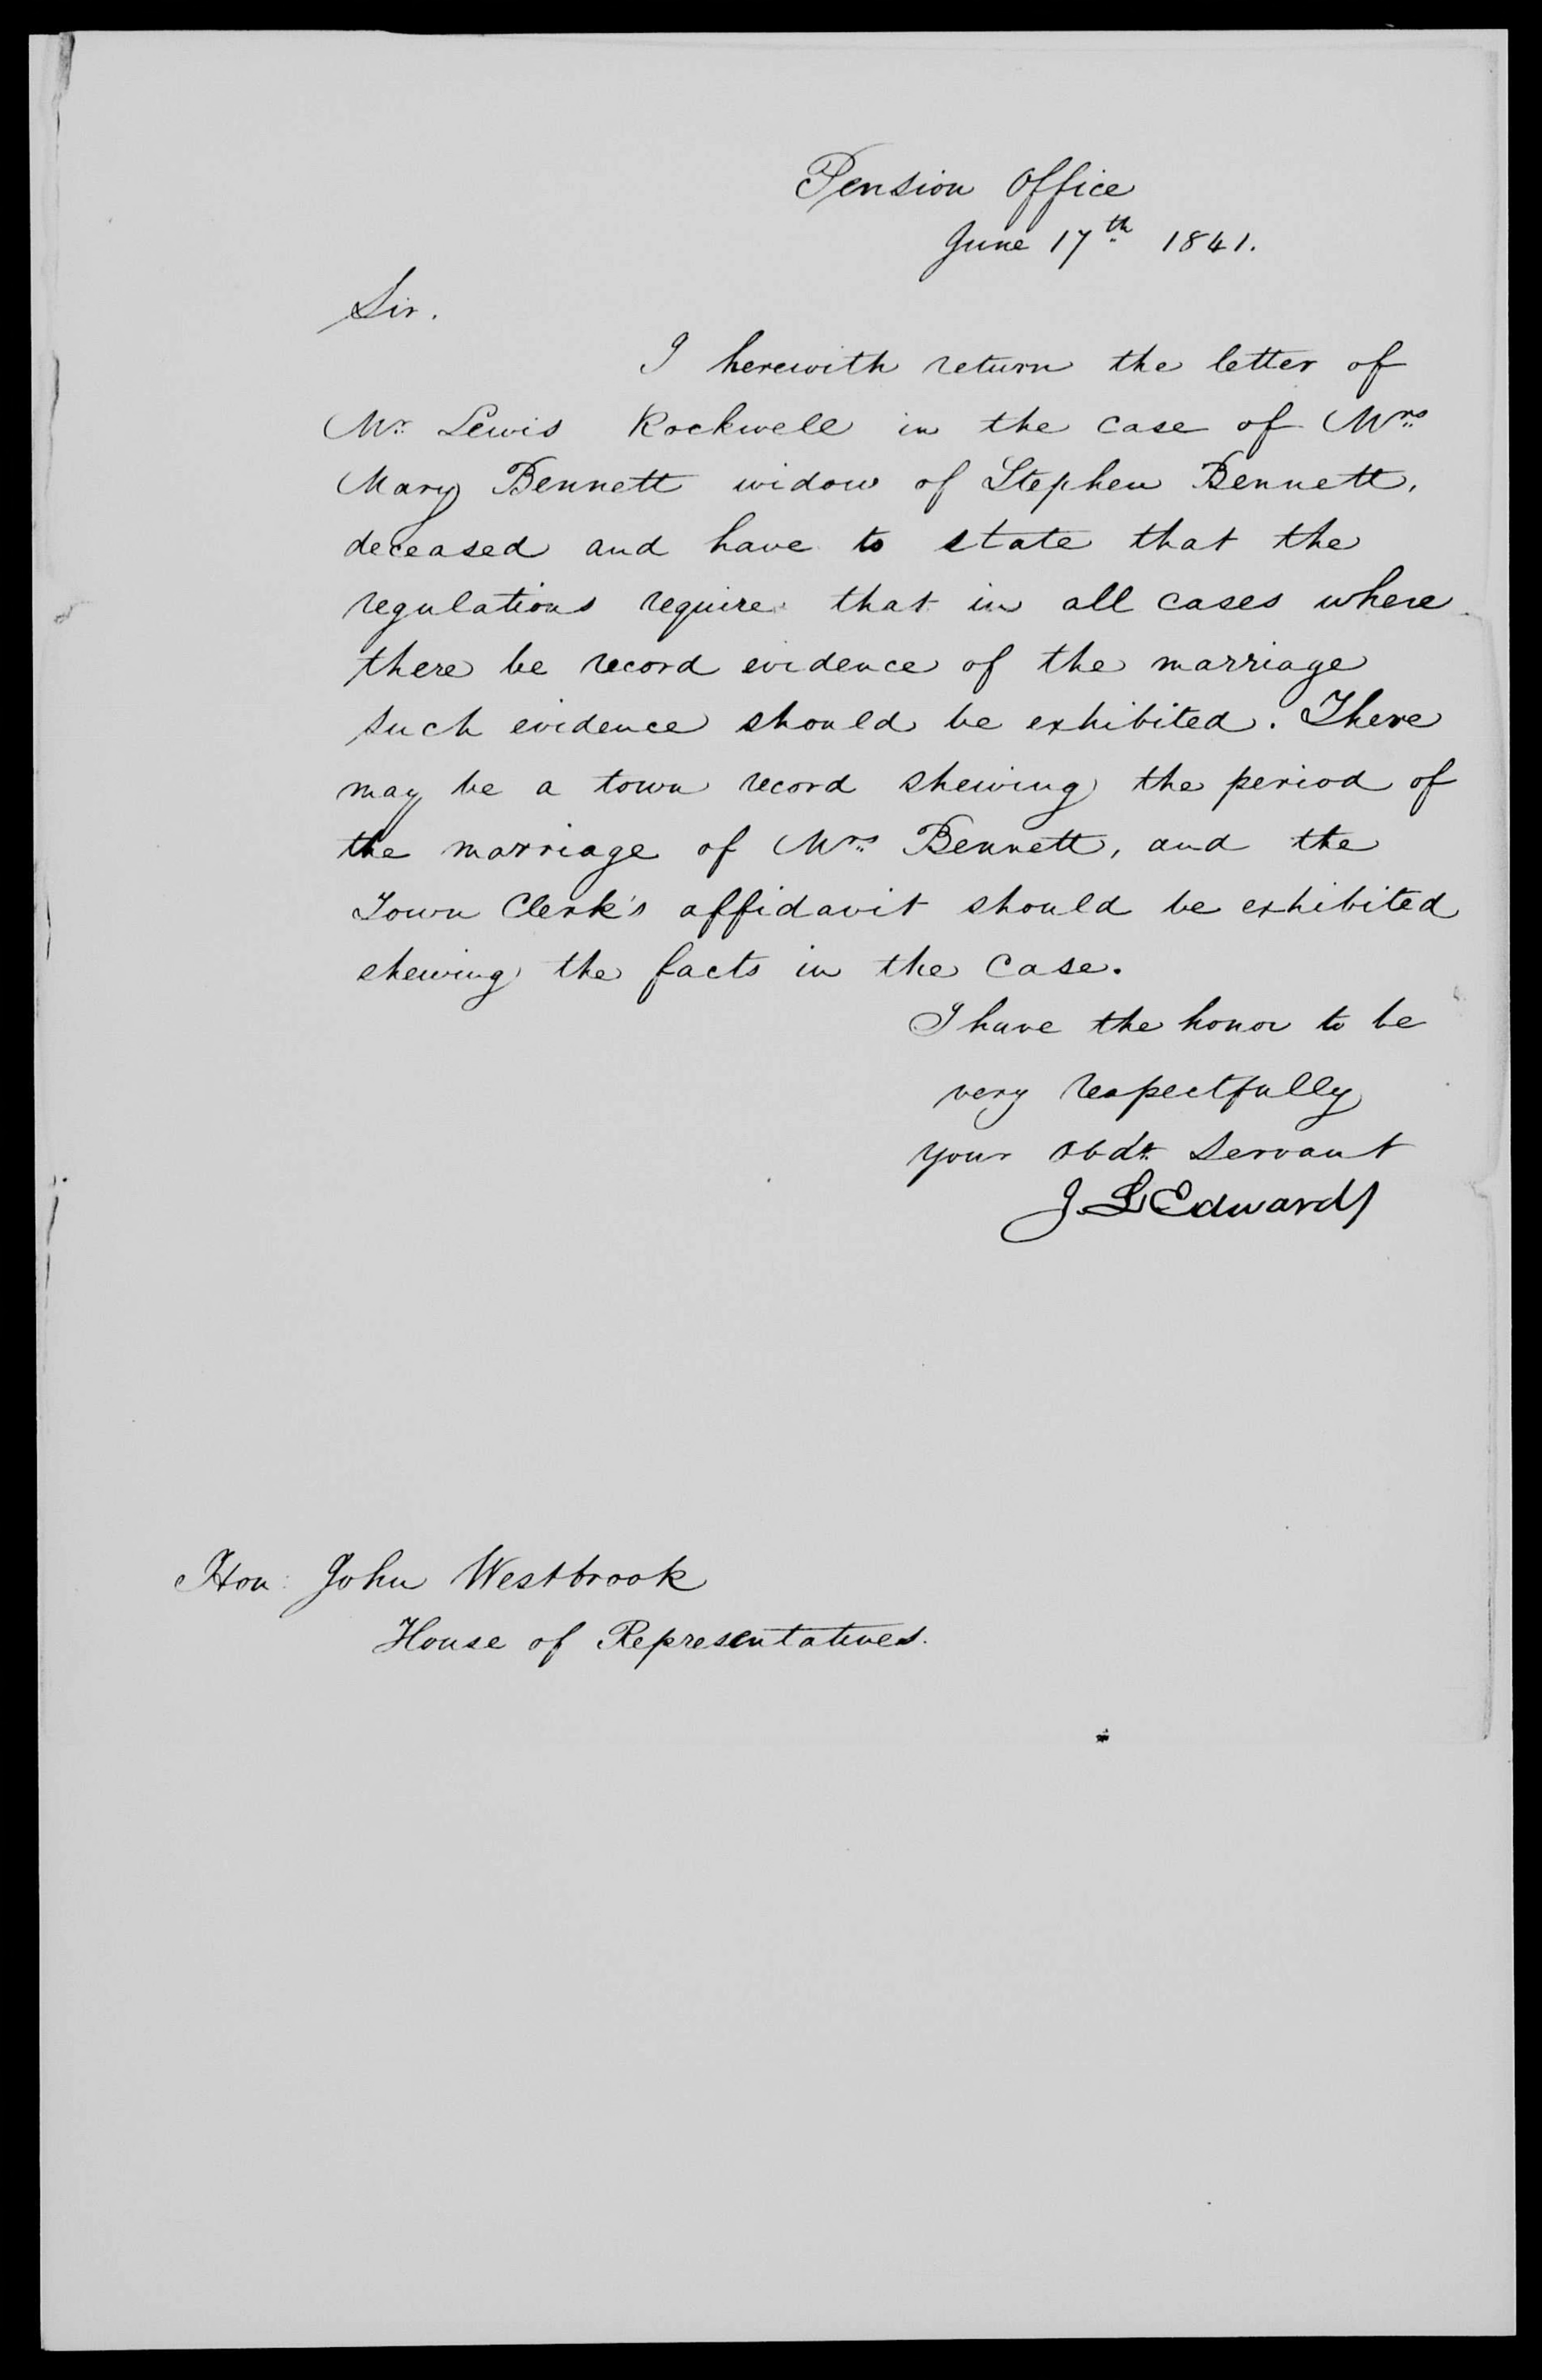Pension Office 
June 17th 1841
Sir,
I herewith return the letter of Mr. Lewis Rockwell in the case of Mrs. Mary Bennett widow of Stephen Bennett deceased and have to state that the regulations require that in all cases where there be record evidence of the marriage such evidence should be exhibited. There may be a town record showing the period of the marriage of Mrs Bennett, and the town clerk's affidavit should be exhibited showing the facts in the case.
I have the honor to be very respectfully your abdt. servant 
J L Edwards
Hon John Westbrook
House of Representatives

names: Lewis Rockwell, Mary Bennett, Stephen Bennett, J L Edwards, Bennett, John Westbrook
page: 65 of 79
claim: widow's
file: W. 2,906, Stephen Bennet, Conn.